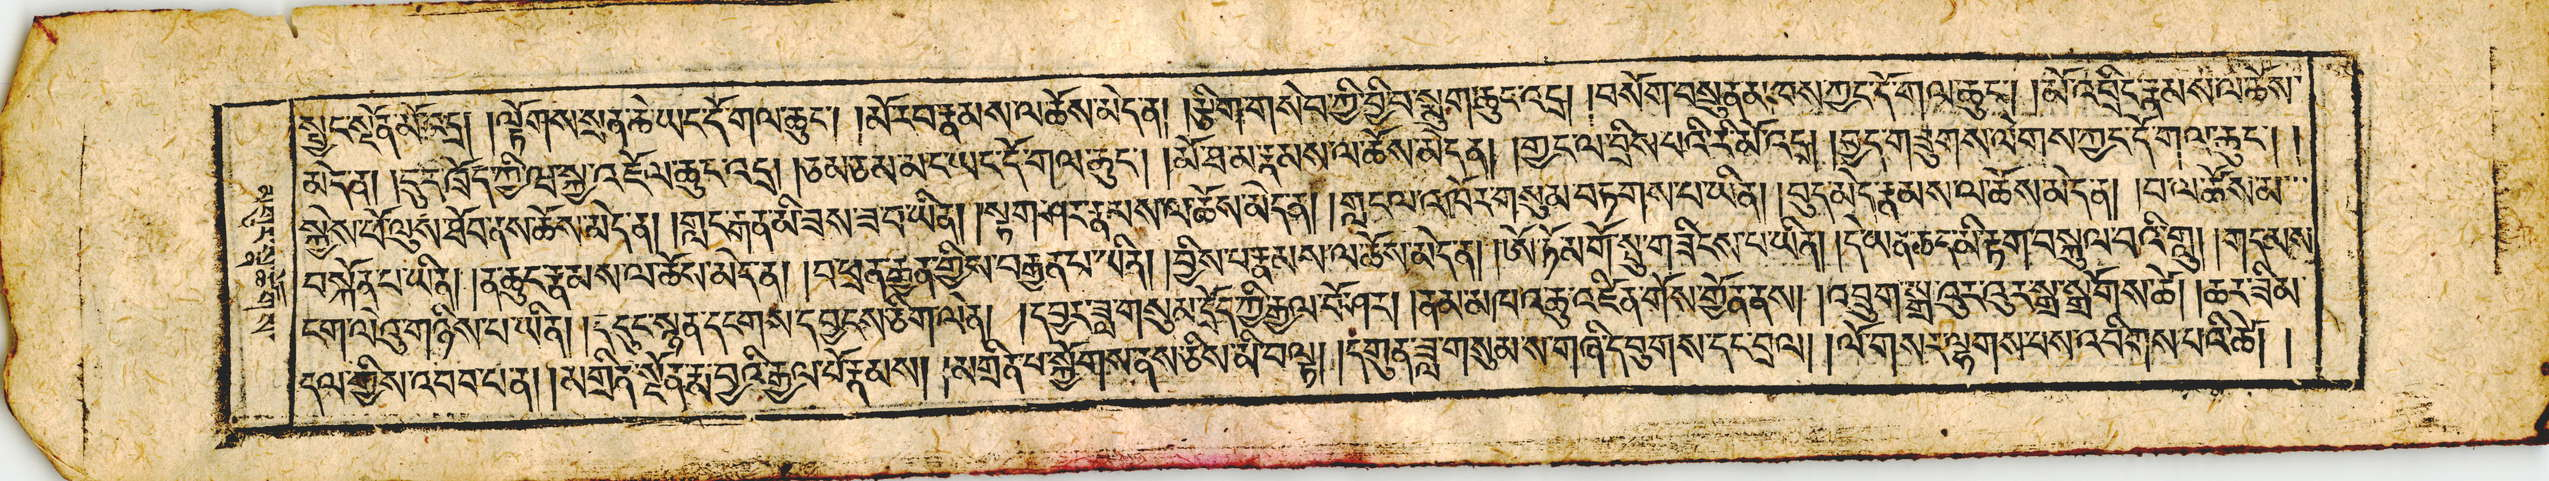སྤྱང་སྔོན་མོ་འདྲ། །ལྟོགས་སྲན་ཆེ་ཡང་དོ་གལ་ཆུང་། །མོ་རབ་རྣམས་ལ་ཆོས་མེད་ན། །རྩིག་གསེབ་ཀྱི་བྱི་བ་སྨུག་ཆུང་འདྲ། །བསོག་བསྲུང་མཁས་ཀྱང་དོ་གལ་ཆུང་། །མོ་འབྲིང་རྣམས་ལ་ཆོས་
མེད་ན། །དུར་ཁྲོད་ཀྱི་ཝ་སྐྱ་འཇོལ་ཆུང་འདྲ། །ཅམ་ཆམ་མང་ཡང་དོ་གལ་ཆུང་། །མོ་ཐ་མ་རྣམས་ལ་ཆོས་མེད་ན། །གྱང་ལ་བྲིས་པའི་རི་མོ་འདྲ། །བྱད་གཟུགས་ལེགས་ཀྱང་དོ་གལ་ཆུང་། །
སྐྱེས་ཕོ་ལུས་ཐོབ་ནས་ཆོས་མེད་ན། །གླང་རྒན་མི་ཟས་ཟ་བ་ཡིན། །སྟག་ཤར་རྣམས་ལ་ཆོས་མེད་ན། །གླང་ལ་འཁོར་གསུམ་བཏགས་པ་ཡིན། །བུད་མེད་རྣམས་ལ་ཆོས་མེད་ན། །བ་ལ་ཚོས་མ་
བསྐོན་པ་ཡིན། །ན་ཆུང་རྣམས་ལ་ཆོས་མེད་ན། །བ་ཕྲན་རྒྱན་གྱིས་བརྒྱན་པ་ཡིན། །བྱིས་པ་རྣམས་ལ་ཆོས་མེད་ན། །ཨོ་ཉོ་མགོ་སྤུ་གཟིངས་པ་ཡིན། །དེ་ཡན་ཆད་མི་རྟག་བསྐུལ་བའི་གླུ། །གདམས་
ངག་ལེའུ་གཉིས་པ་ཡིན། །ད་དུང་སྙན་དངགས་དབྱངས་ཅིག་ལེན། །དབྱར་ཟླ་གསུམ་དྲོད་ཀྱི་རྒྱལ་པོ་ཤར། །ནམ་མཁའ་ཆུ་འཛིན་གོས་གྱོན་ནས། །འབྲུག་སྒྲ་འུར་འུར་སྒྲ་སྒྲགས་ཚེ། །ཆར་ཟིམ་
དལ་གྱིས་འབབ་པ་ན། །མགྲིན་སྔོན་རྨ་བྱའི་རྒྱལ་པོ་རྣམས། །མགྲིན་པ་སྐྱོགས་ནས་ཅིས་མི་བལྟ། །དགུན་ཟླ་གསུམ་ས་གཞི་དབུགས་དང་བྲལ། །ལོ་གསར་ལྷགས་པས་འབིགས་པའི་ཚེ། །